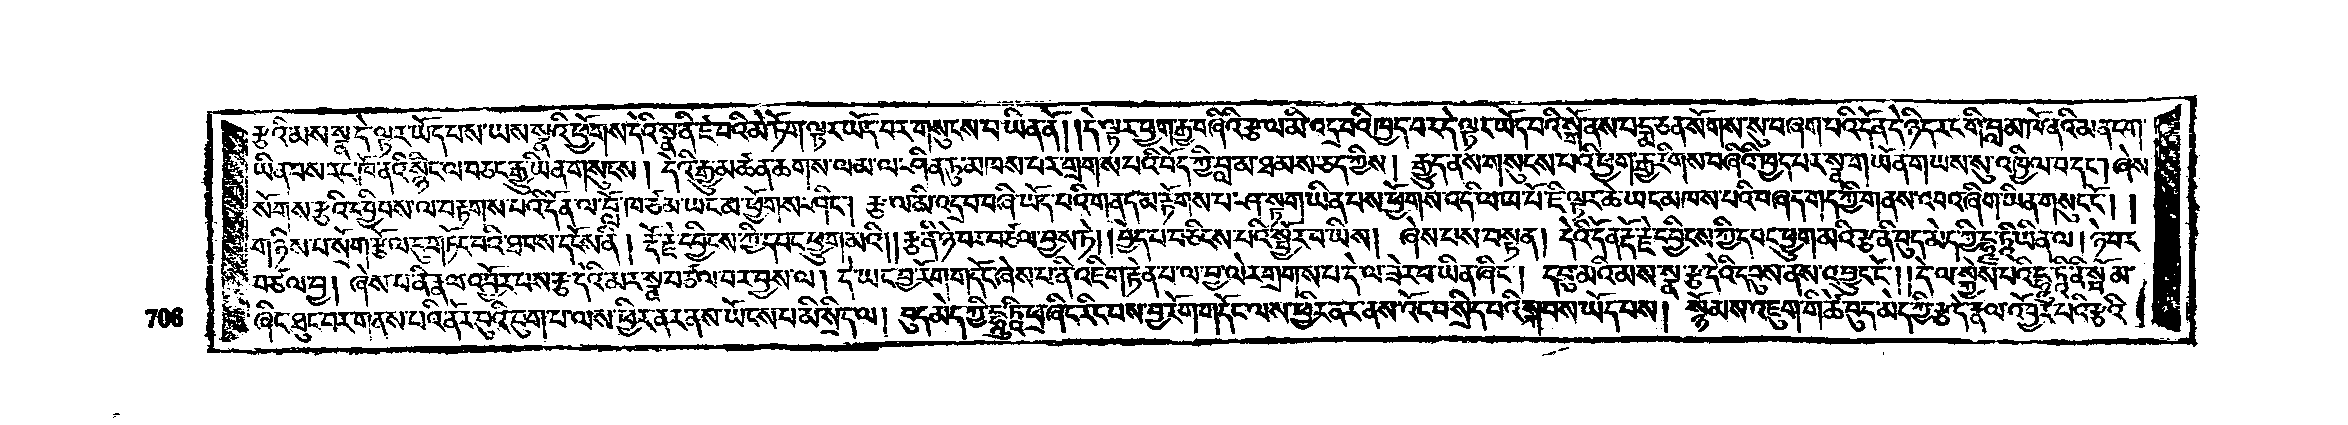རྩའི་མས་སྣ་དེ་ལྟར་ཡོད་པས་ཡས་སྣའི་ཕྱོགས་དེའི་སྣ་ནི་ཛ་བའི་མེ་ཏོག་ལྟར་ཡོད་པར་གསུངས་པ་ཡིན་ནོ། །དེ་ལྟར་ཕྱག་རྒྱ་བཞིའི་རྩ་ལ་མི་འདྲ་བའི་ཁྱད་པར་དེ་ལྟར་ཡོད་པའི་སྒོ་ནས་པདམ་ཅན་སོགས་སུ་བཞག་པའི་དོན་དེ་ཉིད་རང་གི་བླ་མ་ཁོ་ནའི་མན་ངག་
ཡིན་པས་རང་ཁོ་ནའི་སྙིང་ལ་བཅང་རྒྱུ་ཡིན་གསུངས། དེའི་རྒྱུ་མཚན་ཆགས་ལམ་ལ་ཤིན་ཏུ་མཁས་པར་གྲགས་པའི་བོད་ཀྱི་བླ་མ་ཐམས་ཅད་ཀྱིས། རྒྱུད་ནས་གསུངས་པའི་ཕྱག་རྒྱ་རིགས་བཞིའི་ཁྱད་པར་སྣ་གཡོན་གཡས་སུ་འཁྱིལ་བ་དང་། ཞེས་
སོགས་རྩའི་དབྱིབས་ལ་བརྟགས་པའི་དོན་ལ་བློ་ཁ་ཙམ་ཡང་མ་ཕྱོགས་ཤིང་། རྩ་ལ་མི་འདྲ་བ་བཞི་ཡོད་པའི་གནད་མ་རྟོགས་པ་ཤ་སྟག་ཡིན་པས་ཕྱོགས་འདི་ལ་ཁ་པོ་ཇི་ལྟར་ཆེ་ཡང་མཁས་པའི་བཞད་གད་ཀྱི་གནས་འབའ་ཞིག་ཡིན་གསུང་ངོ། །
གཉིས་པ་སྲོག་རྩོལ་དུ་གཏོང་བའི་ཐབས་དངོས་ནི། རྡོ་རྗེ་དབྱིངས་ཀྱི་དབང་ཕྱུག་མའི། །རྩ་ནི་ཉེ་བར་བཙལ་བྱས་ཏེ། །བྱེད་པ་བཅིངས་པའི་སྦྱོར་བ་ཡིས། ཞེས་པས་བསྟན། དེའི་དོན་རྡོ་རྗེ་དབྱིངས་ཀྱི་དབང་ཕྱུག་མའི་རྩ་ནི་བུད་མེད་ཀྱི་དྷཱུ་ཏཱི་ཡིན་ལ། ཉེ་བར་
བཙལ་བྱ། ཞེས་པ་ནི་རྣལ་འབྱོར་པས་རྩ་དེའི་མར་སྣ་བཙལ་བར་བྱས་ལ། དེ་ཡང་བྱ་རོག་གདེང་ཞེས་པ་ནི་འཇིག་རྟེན་པ་ལ་བྱ་ལེར་གྲགས་པ་དེ་ལ་ཟེར་བ་ཡིན་ཞིང་། དབུ་མའི་མས་སྣ་རྩ་དེའི་དབུས་ནས་འབྱུང་ངོ། །དེ་ལ་སྐྱེས་པའི་དྷཱུ་ཏཱི་ནི་སྦོམ་
ཞིང་ཐུང་བར་གནས་པའི་ནོར་བུའི་བུག་པ་ལས་ཕྱིར་ནར་ནས་ཡོངས་པ་མི་སྲིད་ལ། བུད་མེད་ཀྱི་དྷཱུ་ཏཱི་ཕྲ་ཞིང་རིང་བས་བྱ་རོག་གདོང་ལས་ཕྱིར་ནར་ནས་འོང་བ་སྲིད་པའི་སྐབས་ཡོད་པས། སྙོམས་འཇུག་གི་ཚེ་བུད་མེད་ཀྱི་རྩ་དེ་རྣལ་འབྱོར་པའི་རྩའི་